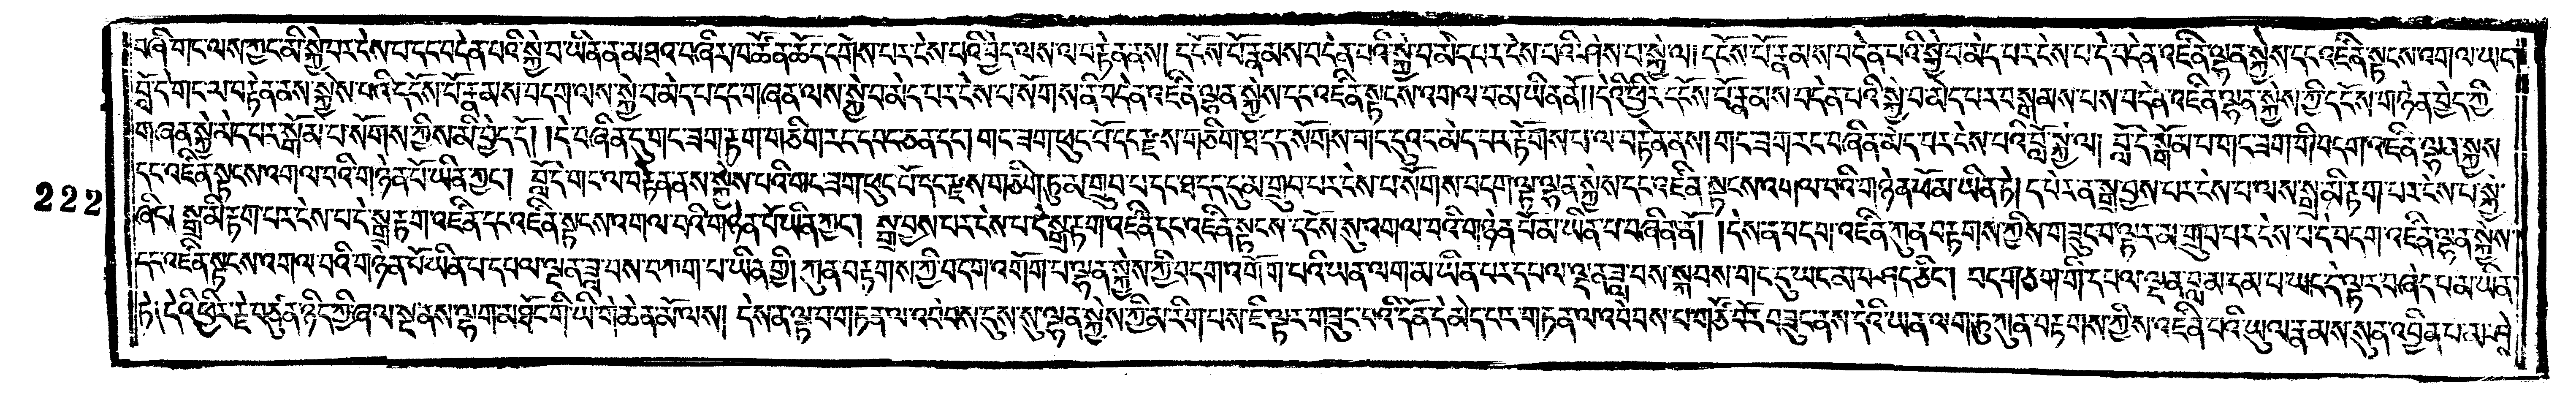བཞི་གང་ལས་ཀྱང་མི་སྐྱེ་བར་ངེས་པ་དང་བདེན་པའི་སྐྱེ་བ་ཡིན་ན་མཐའ་བཞིར་ཁ་ཚོན་ཆོད་དགོས་པར་ངེས་པའི་བྱེད་ལས་ལ་བརྟེན་ནས། དངོས་པོ་རྣམས་བདེན་པའི་སྐྱེ་བ་མེད་པར་ངེས་པའི་ཤེས་པ་སྐྱེ་ལ། དངོས་པོ་རྣམས་བདེན་པའི་སྐྱེ་བ་མེད་པར་ངེས་པ་དེ་བདེན་འཛིན་ལྷན་སྐྱེས་དང་འཛིན་སྟངས་འགལ་ཡང་
བློ་དེ་གང་ལ་བརྟེན་ནས་སྐྱེས་པའི་དངོས་པོ་རྣམས་བདག་ལས་སྐྱེ་བ་མེད་པ་དང་གཞན་ལས་སྐྱེ་བ་མེད་པར་ངེས་པ་སོགས་ནི་བདེན་འཛིན་ལྷན་སྐྱེས་དང་འཛིན་སྟངས་འགལ་བ་མ་ཡིན་ནོ། །དེའི་ཕྱིར་དངོས་པོ་རྣམས་བདེན་པའི་སྐྱེ་བ་མེད་པར་བསྒོམས་པས་བདེན་འཛིན་ལྷན་སྐྱེས་ཀྱི་དངོས་གཉེན་བྱེད་ཀྱི་
གཞན་སྐྱེ་མེད་པར་སྒོམ་པ་སོགས་ཀྱིས་མི་བྱེད་དོ། །དེ་བཞིན་དུ་གང་ཟག་རྟག་གཅིག་རང་དབང་ཅན་དང་། གང་ཟག་ཕུང་པོ་དང་རྫས་གཅིག་ཐ་དད་སོགས་གང་དུའང་མེད་པར་རྟོགས་པ་ལ་བརྟེན་ནས། གང་ཟག་རང་བཞིན་མེད་པར་ངེས་པའི་བློ་སྐྱེ་ལ། བློ་དེ་སྒོམ་པ་གང་ཟག་གི་བདག་འཛིན་ལྷན་སྐྱས་
དང་འཛིན་སྟངས་འགལ་བའི་གཉེན་པོ་ཡིན་ཀྱང་། བློ་དེ་གང་ལ་བརྟེན་ནས་སྐྱེས་པའི་གང་ཟག་ཕུང་པོ་དང་རྫས་གཅིག་ཏུ་མ་གྲུབ་པ་དང་ཐ་དད་དུ་མ་གྲུབ་པར་ངེས་པ་སོགས་བདག་ལྟ་ལྷན་སྐྱེས་དང་འཛིན་སྟངས་འགལ་བའི་གཉེན་ཕོམ་ཡིན་ཏེ། དཔེར་ན་སྒྲ་བྱས་པར་ངེས་པ་ལས་སྒྲ་མི་རྟག་པར་ངེས་པ་སྐྱེ་
ཞིང༑ སྒྲ་མི་རྟག་པར་ངེས་པ་དེ་སྒྲ་རྟག་འཛིན་དང་འཛིན་སྟངས་འགལ་བའི་གཉེན་པོ་ཡིན་ཀྱང་། སྒྲ་བྱས་པར་ངེས་པ་དེ་སྒྲ་རྟག་འཛིན་དང་འཛིན་སྟངས་དངོས་སུ་འགལ་བའི་གཉེན་པོ་མ་ཡིན་པ་བཞིན་ནོ། །དེས་ན་བདག་འཛིན་ཀུན་བརྟགས་ཀྱིས་གཟུང་བ་ལྟར་མ་གྲུབ་པར་ངེས་པ་དེ་བདག་འཛིན་ལྷན་སྐྱེས་
དང་འཛིན་སྟངས་འགལ་བའི་གཉེན་པོ་ཡིན་པ་དཔལ་ལྡན་ཟླ་བས་བཀག་པ་ཡིན་གྱི། ཀུན་བརྟགས་ཀྱི་བདག་འགོག་པ་ལྷན་སྐྱེས་ཀྱི་བདག་འགོག་པའི་ཡན་ལག་མ་ཡིན་པར་དཔལ་ལྡན་ཟླ་བས་སྐབས་གང་དུ་ཡང་མ་བཤད་ཅིང་། བདག་ཅག་གི་དཔལ་ལྡན་བླ་མ་དམ་པ་ཡང་དེ་ལྟར་བཞེད་པ་མ་ཡིན་
ཏེ༑ དེའི་ཕྱིར་རྗེ་བཙུན་ཉིད་ཀྱི་ཞལ་སྔ་ནས་ལྷག་མཐོང་གི་ཡི་གེ་ཆེན་མོ་ལས། དེས་ན་ལྟ་བ་གཏན་ལ་འབེབས་དུས་སུ་ལྷན་སྐྱེས་ཀྱི་མ་རིག་པས་ཇི་ལྟར་གཟུང་བའི་དོན་དེ་མེད་པར་གཏན་ལ་འབེབས་པ་གཙོ་བོར་བཟུང་ནས་དེའི་ཡན་ལག་ཏུ་ཀུན་བརྟགས་ཀྱིས་འཛིན་པའི་ཡུལ་རྣམས་སུན་འབྱིན་པ་མ་ཤེས་